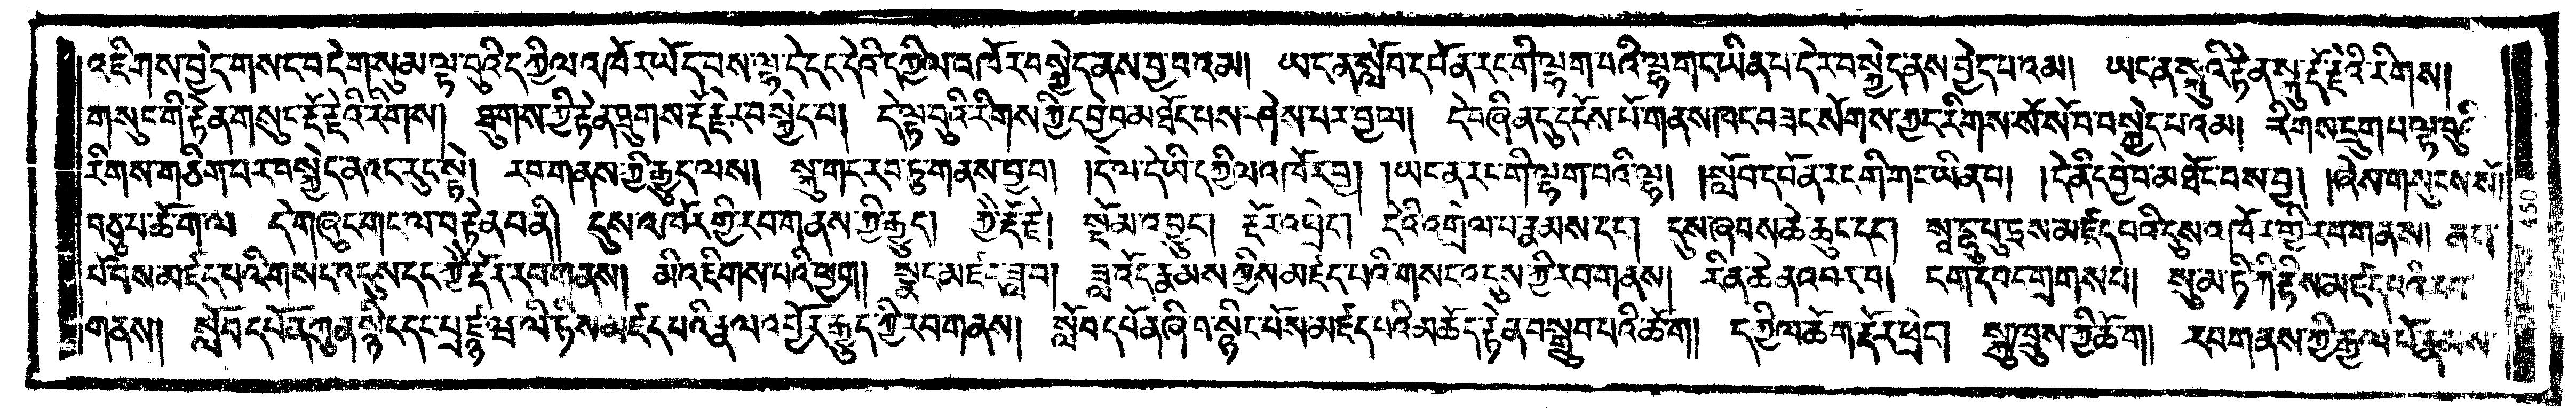འཇིགས་བྱེད་གསང་བདེ་གསུམ་ལྟ་བུའི་དཀྱིལ་འཁོར་ཡོད་བས་ལྷ་དེ་དང་དེའི་དཀྱིལ་འཁོར་བསྐྱེད་ནས་བྱ་བའམ། ཡང་ན་སློབ་དཔོན་རང་གི་ལྷག་པའི་ལྷ་གང་ཡིན་པ་དེར་བསྐྱེད་ནས་བྱེད་པའམ། ཡང་ན་སྐུའི་རྟེན་སྐུ་རྡོ་རྗེའི་རིགས།
གསུང་གི་རྟེན་གསུང་རྡོ་རྗེའི་རིགས། ཐུགས་ཀྱི་རྟེན་ཐུགས་རྡོ་རྗེ་རབ་སྐྱེད་པ། དེ་ལྟ་བུའི་རིགས་ཀྱི་དབྱེ་བ་མཐོང་བས་ཤེས་པར་བྱ་ལ། དེ་བཞིན་དུ་དངོས་པོ་གནས་ཁང་བཟང་སོགས་ཀྱང་རིགས་སོ་སོ་བ་བསྐྱེད་པའམ། རིགས་དྲུག་པ་ལྟ་བུའི?
རིགས་གཅིག་པར་བསྐྱེད་ནའང་རུང་སྟེ། རབ་གནས་ཀྱི་རྒྱུད་ལས། སྐུ་གང་རབ་ཏུ་གནས་བྱ་བ། །དེ་ལ་དེ་ཡི་དཀྱིལ་འཁོར་བྱ། །ཡང་ན་རང་གི་ལྷག་པའི་ལྷ། །སློབ་དཔོན་རང་གི་གང་ཡིན་པ། །དེ་ནི་དབྱེ་བ་མཐོང་བས་བྱ། །ཞེས་གསུངས་སོ།
བཅུ་པ་ཆོ་ག་ལ་དེ་གཞུང་གང་ལ་བརྟེན་པ་ནི། དུས་འཁོར་གྱི་རབ་གནས་ཀྱི་རྒྱུད། ཀྱཻ་རྡོ་རྗེ། སྡོམ་འབྱུང་། རྡོར་འཕྲེང་། དེའི་འགྲེལ་པ་རྣམས་དང་། དུས་ཞབས་ཆེ་ཆུང་དང་། སཱ་དྷུ་པུ་ཏྲས་མཛད་པའི་དུས་འཁོར་གྱི་རབ་གནས། ནག?
པོ་བས་མཛད་པའི་གསང་འདུས་དང་ཀྱཻ་རྡོར་རབ་གནས། མི་འཇིགས་པའི་ཕྱག། སྣང་མཛད་ཟླ་བ། ཟླ་འོད་རྣམས་ཀྱིས་མཛད་པའི་གསང་འདུས་ཀྱི་རབ་གནས། རིན་ཆེན་འབར་བ། ངག་དབང་གྲགས་པ། སུ་མ་ཏི་ཀི་རྟིས་མཛད་པའི་རབ་
གནས། སློབ་དཔོན་ཀུན་སྙིང་དང་པྲཛྙ་ཝ་ལི་ཏིས་མཛད་པའི་རྣལ་འབྱོར་རྒྱུད་ཀྱི་རབ་གནས། སློབ་དཔོན་ཞི་བ་སྙིང་པོས་མཛད་པའི་མཆོད་རྟེན་བསྒྲུབ་པའི་ཆོ་ག། དཀྱིལ་ཆོག་རྡོར་ཕྲེང་། སྐུ་ཁྲུས་ཀྱི་ཆོ་ག། རབ་གནས་ཀྱི་རྒྱལ་པོ་རྣམས་